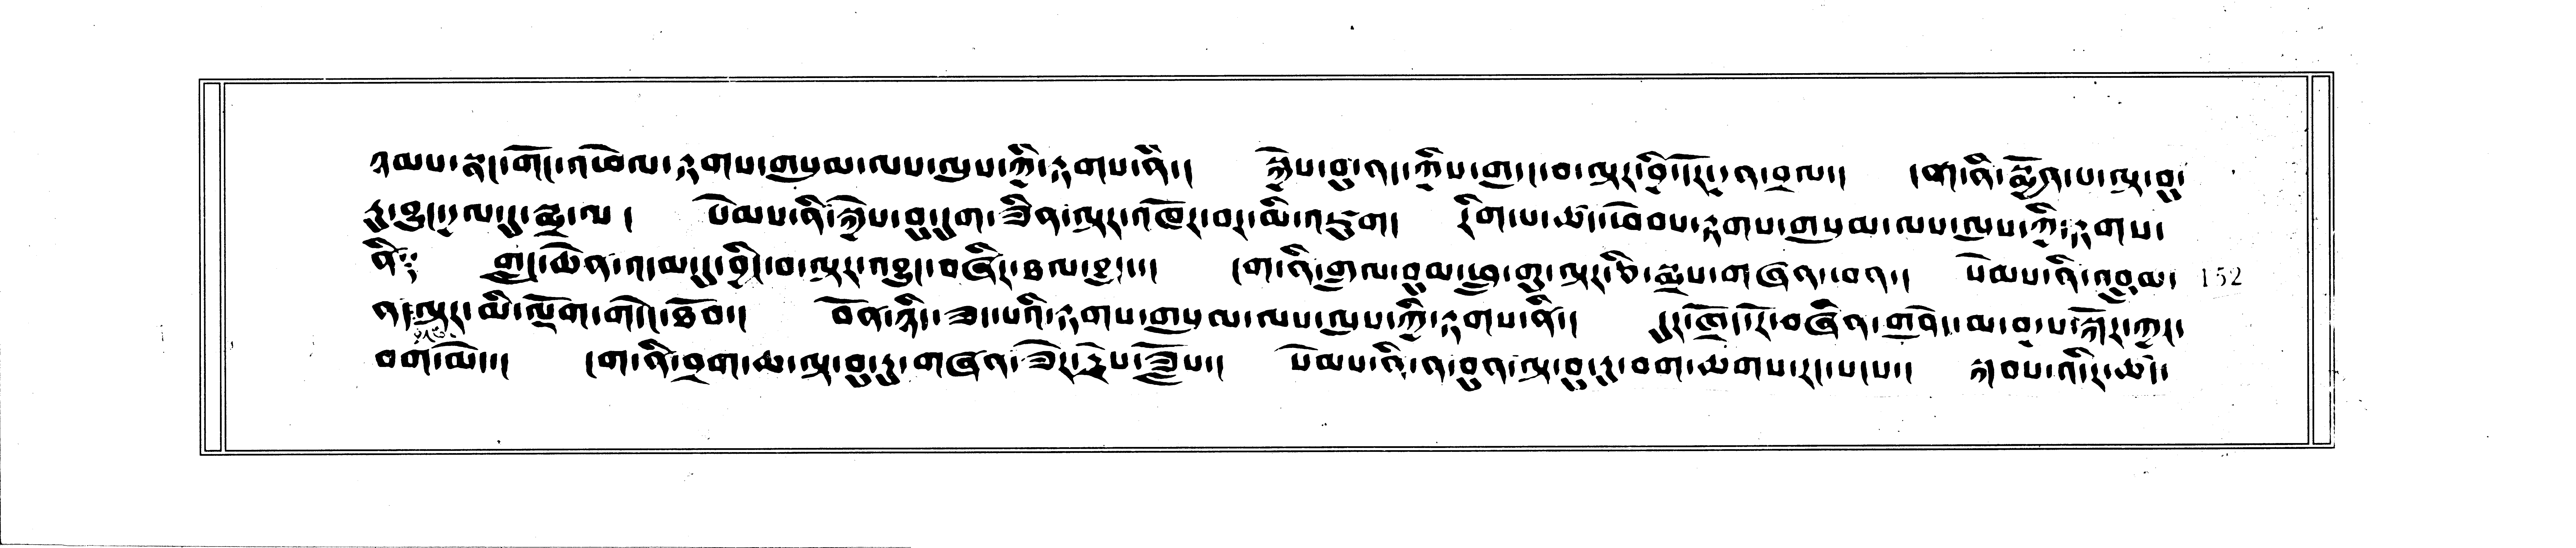ཉམས་སྣང་གོང་འཕེལ་རྟགས་གསུམ་ལས་ལུས་ཀྱི་རྟགས་ནི། །སྐྱེས་བུ་ནད་ཀྱིས་གདུང་བ་ལྟར་བྱི་དོར་རྒྱན་བྲལ། །ངག་ནི་སྨྱོན་པ་ལྟ་བུ་
རུ་བྱུང་རྒྱལ་དུ་སྨྲ་ལ། །སེམས་ནི་སྐྱེས་བུ་དུག་ཟིན་ལྟར་འཁོར་བར་མི་འཇུག །རིག་པ་ཚད་ཕེབས་རྟགས་གསུམ་ལས་ལུས་ཀྱི་རྟགས་
ནི། །གླང་ཆེན་འདམ་དུ་བྱིང་བ་ལྟར་འབྱུང་བཞིར་ཐལ་བྱུང་། །ངག་ནི་གྲུལ་བུམ་ཕྲུ་གུ་ལྟར་ཅི་སྨྲས་གཞན་ཕན། །སེམས་ནི་འབྲུམ་
ནད་ལྟར་མི་ལྡོག་གདེང་ཐོབ། །བོན་ཉིད་ཟད་པའི་རྟགས་གསུམ་ལས་ལུས་ཀྱི་རྟགས་ནི། །དུར་ཁྲོད་རོ་བཞིན་གཤེད་མ་བརྒྱས་བསྐོར་ཀྱང་
བག་མེད། །ངག་ནི་བྲག་ཆ་ལྟ་བུ་རུ་གཞན་ཟེར་རྗེས་ཟློས། །སེམས་ནི་ན་བུན་ལྟ་བུ་རུ་བག་ཆགས་རང་སངས། །སྐབས་འདིར་ཚད་